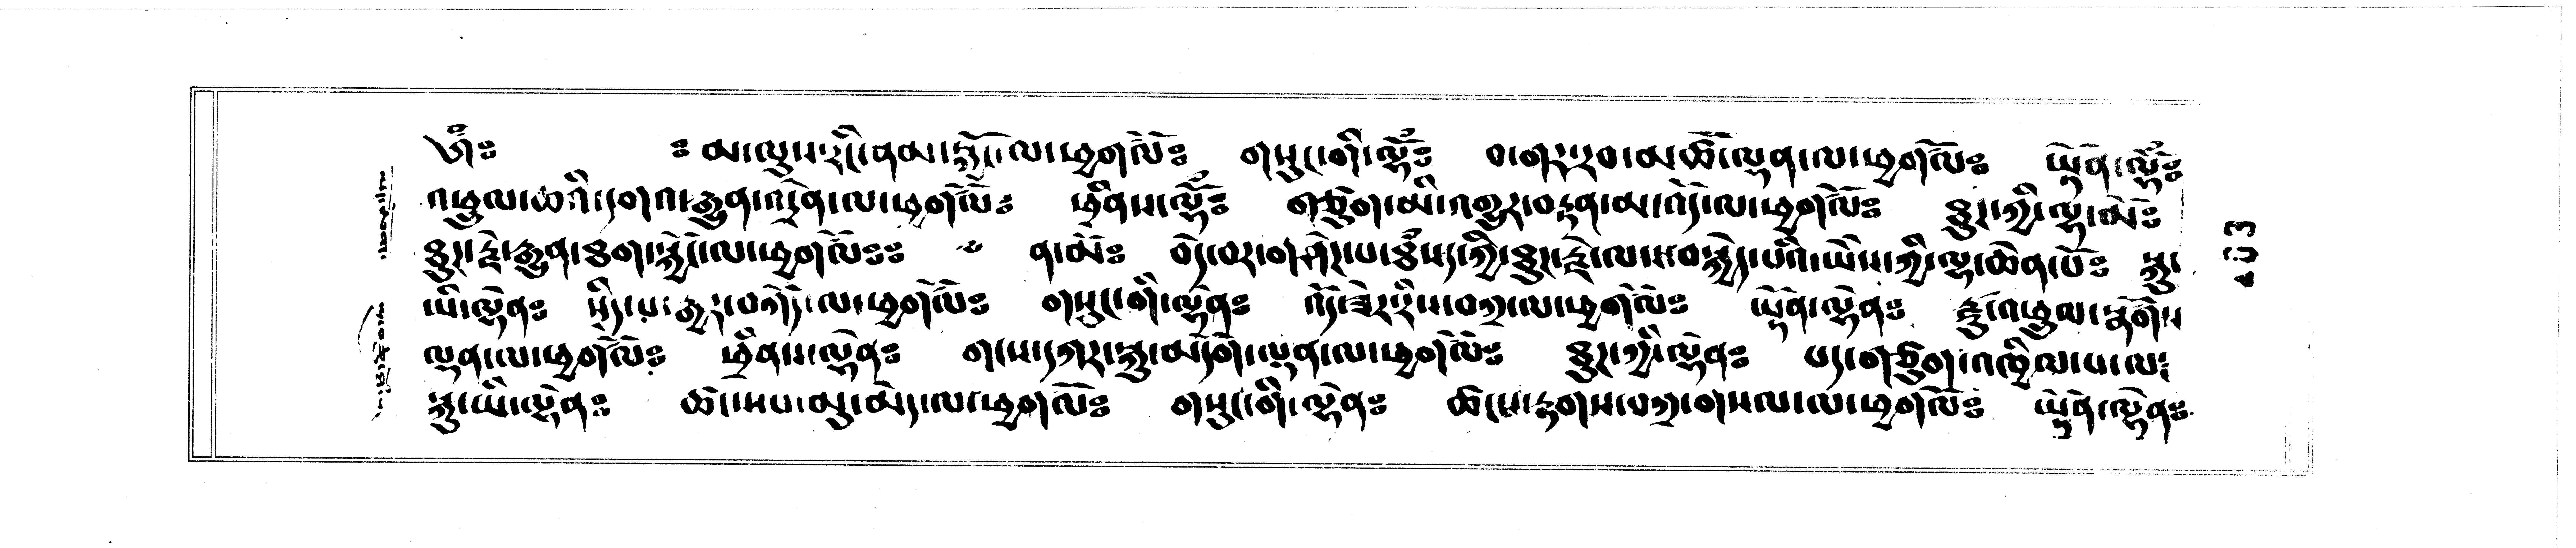མ་ལུས་རིང་ནམ་སྐྱོང་ལ་ཕྱག་འཚལ་ལོཿ གསུང་གི་ལྷ་མོཿ བ་གར་རབ་མཚོ་ལྡན་ལ་ཕྱག་འཚལ་ལོཿ ཡོན་ཏན་གྱི་ལྷ་མོཿ 
འཕྲུལ་ཆའི་དགའ་རྒྱུན་འདྲེན་ལ་ཕྱག་འཚལ་ལོཿ ཕྲིན་ལས་ཀྱི་ལྷ་མོཿ གཙུག་མི་འགྱུར་བརྟན་མ་འོད་ལ་ཕྱག་འཚལ་ལོཿ ཐུགས་ཀྱི་ལྷ་མོཿ 
ཐུགས་རྗེ་རྒྱུན་ཐག་སྐྱོང་ལ་ཕྱག་འཚལ་ལོཿ ན་མོ་བདེ་བར་གཤེགས་པ་ཐམས་ཅད་ཀྱི་ཐུགས་རྗེ་ལས་བསྐྱེད་པའི་ཡེ་ཤེས་ཀྱི་ལྷ་ཆེན་པོཿ སྐུ་
ཡི་ལྷ་ཆེནཿ སྲིད་པ་རྒྱར་བཀོད་ལ་ཕྱག་འཚལ་ལོཿ གསུང་གི་ལྷ་ཆེནཿ འོད་ཟེར་རིས་བཀྲ་ལ་ཕྱག་འཚལ་ལོཿ ཡོན་ཏན་གྱི་ལྷ་ཆེནཿ རྫུ་འཕྲུལ་སྣ་ཚོགས་
ལྡན་ལ་ཕྱག་འཚལ་ལོཿ ཕྲིན་ལས་ཀྱི་ལྷ་ཆེནཿ གངས་དཀར་སྐུ་མདོག་ལྡན་ལ་ཕྱག་འཚལ་ལོཿ ཐུགས་ཀྱི་ལྷ་ཆེནཿ པད་གཙུག་འཁྱིལ་པ་ལ་ཕྱག་འཚལ་ལོཿ 
སྐུ་ཡི་ལྷ་ཆེནཿ ཚངས་པ་མུ་མེད་ལ་ཕྱག་འཚལ་ལོཿ གསུང་གི་ལྷ་ཆེནཿ ཚངས་རྟགས་བཀྲ་གསལ་ལ་ཕྱག་འཚལ་ལོཿ ཡོན་ཏན་གྱི་ལྷ་ཆེནཿ